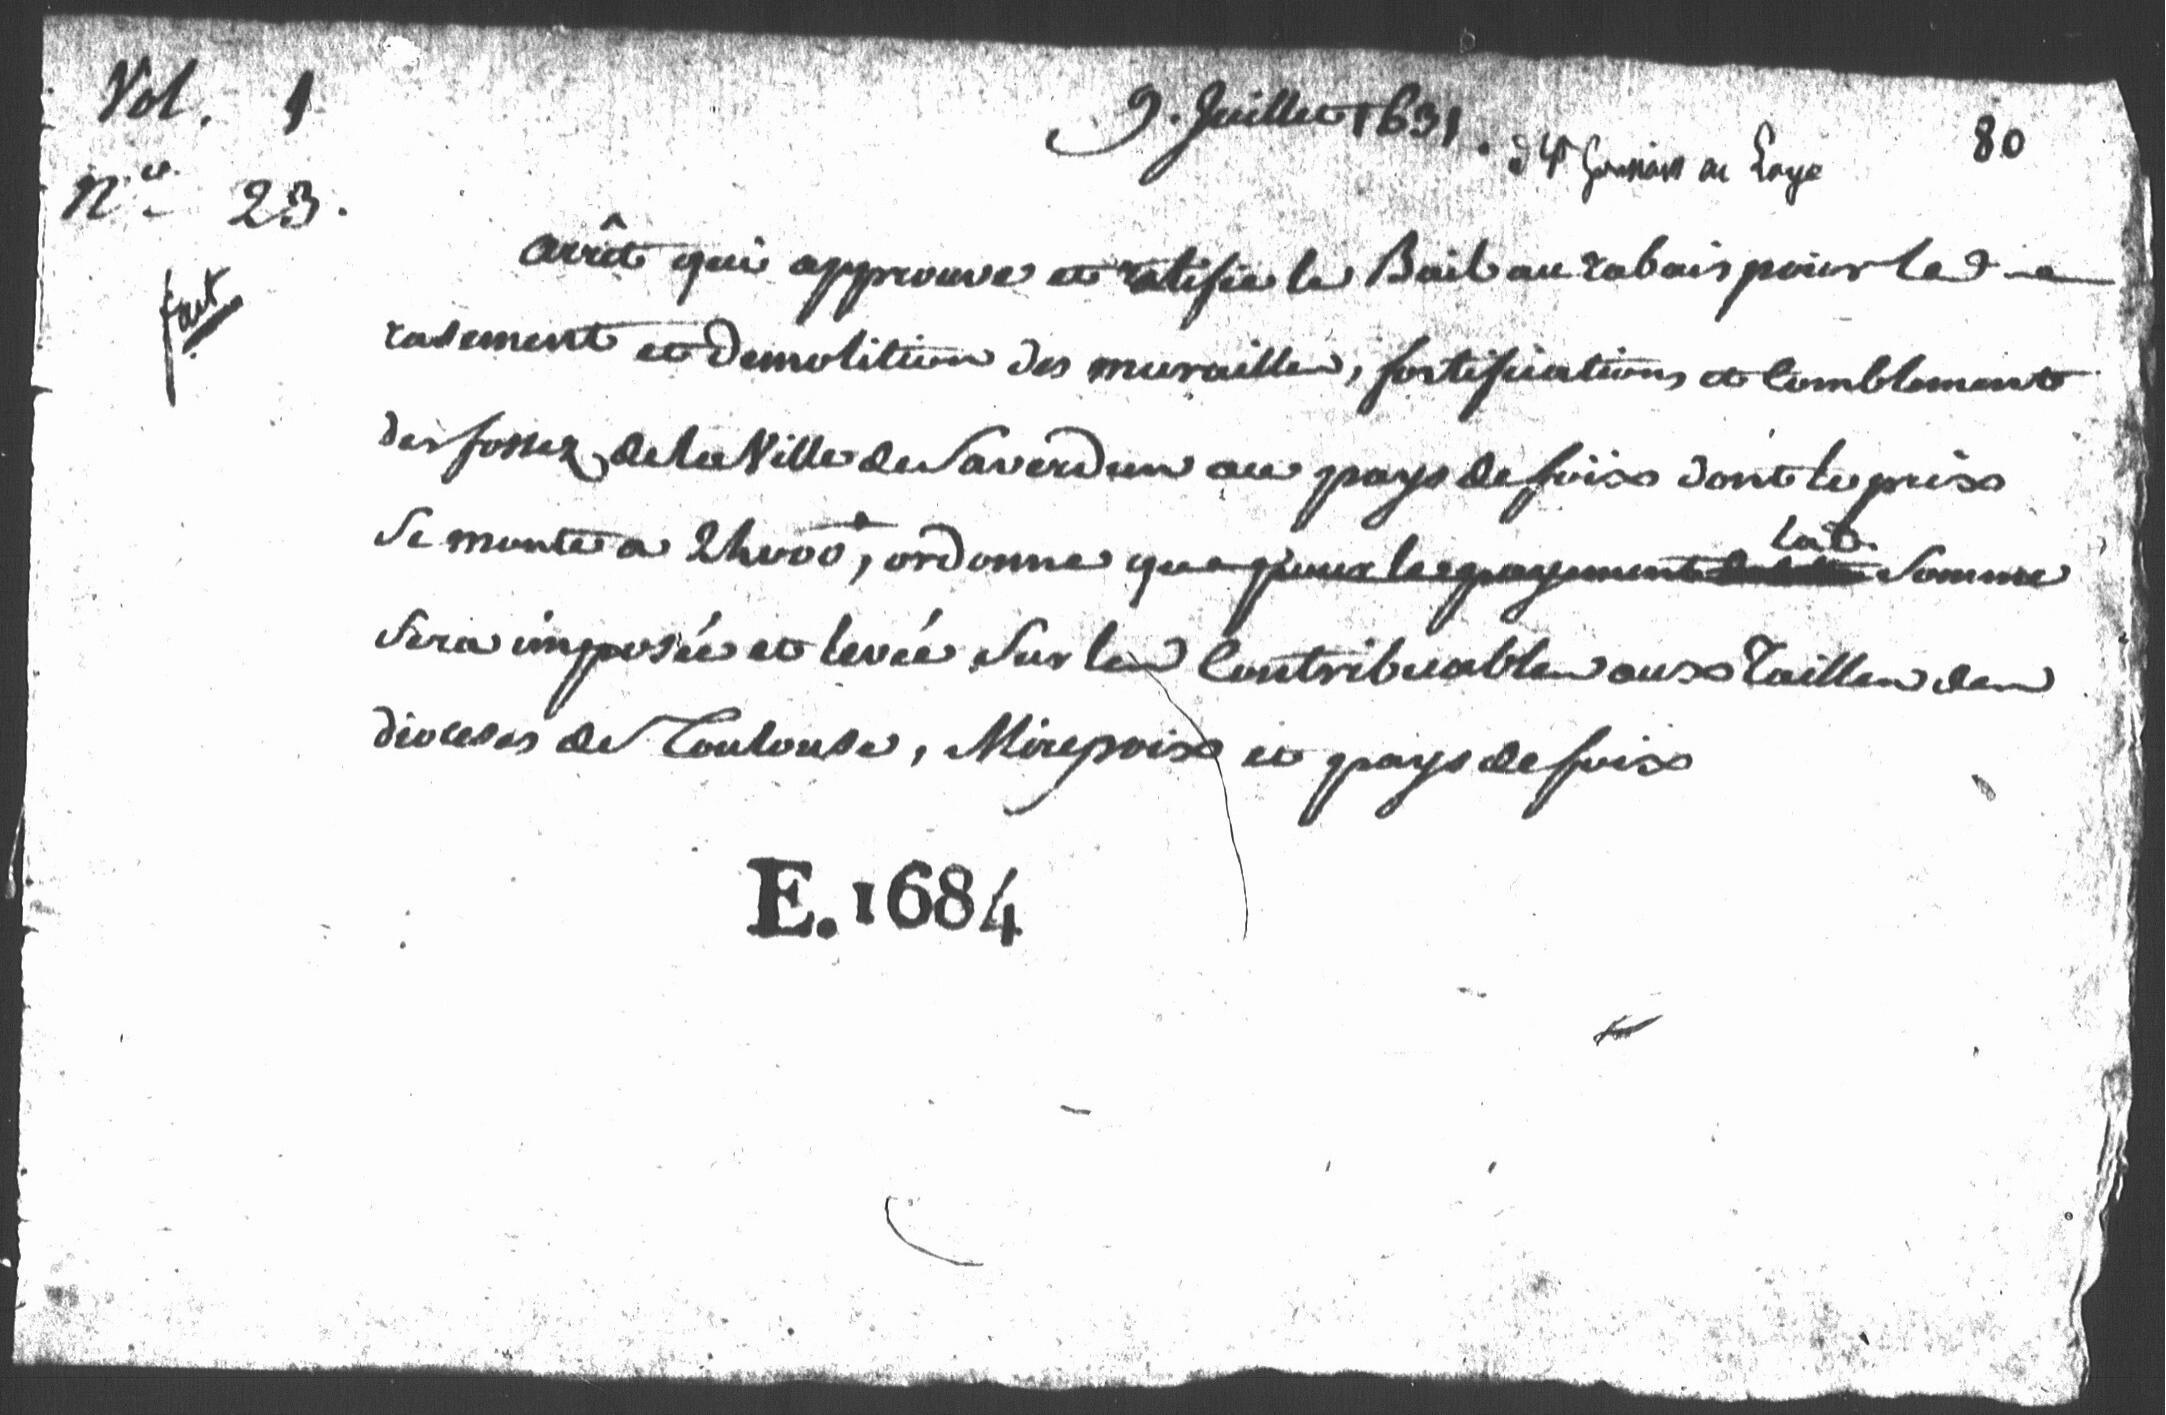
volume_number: n°23
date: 9 juillet 1631
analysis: à St Germain en Laye 80
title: arrêt qui approuve et ratifie le Bail au rabais pour les rasement et demolitions des murailles, fortifications et comblement des fossez de la ville de Saverdun au pays de foix dont le prix se monte à 24000 #, ordonne que [pour le payement de lad., mots barrés] lad. somme sera imposée et levée sur les contribuables aux tailles des dioceses de Toulouse, Mirepoix et pays de foix
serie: E
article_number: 1684
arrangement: vol. 1
